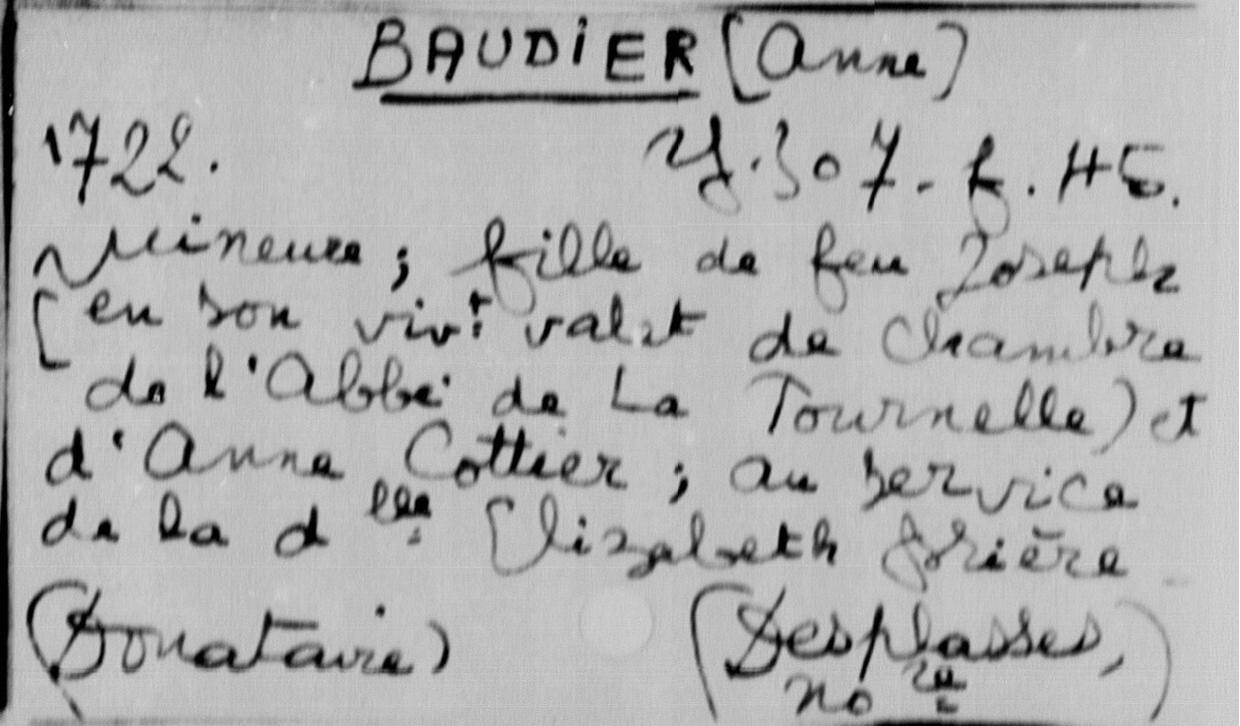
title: BAUDIER (Anne)
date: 1722
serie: Y
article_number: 307
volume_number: fol. 45
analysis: Mineure, fille de feu Joseph (en son vivant valet de Chambre de l'Abbé de La Tournelle) et d'Anne Cottier, au service de la demoiselle Elizabeth Prière. (Donataire) (Desplasses, notaire).
